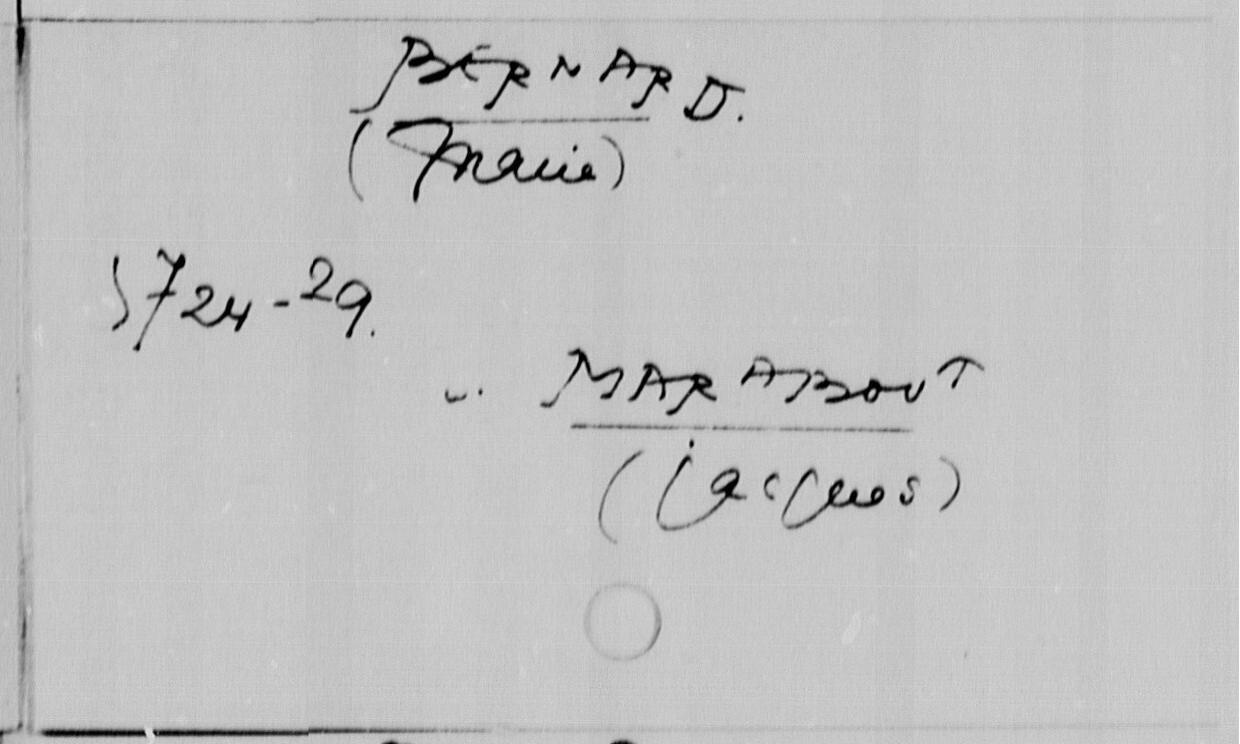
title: BERNARD (Marie)
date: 1724-1729
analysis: Voir MARABOUT (Jacques)
